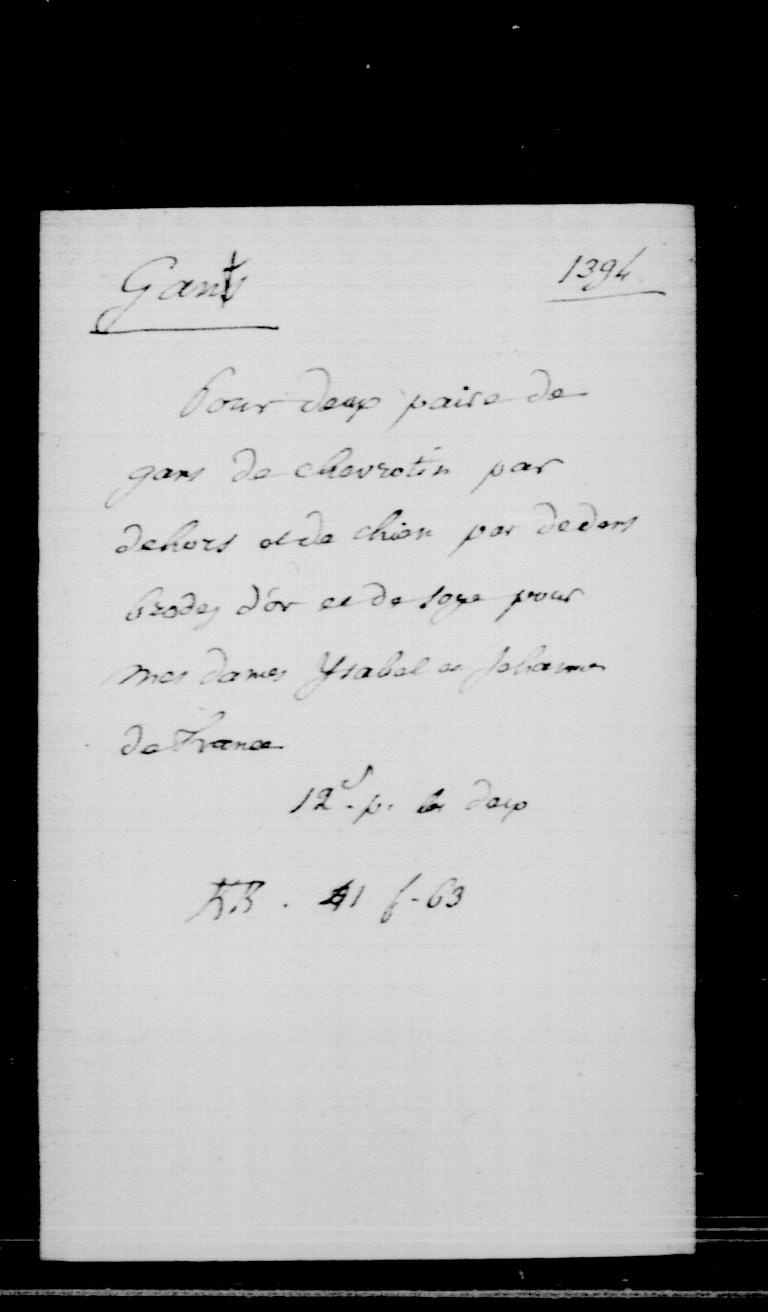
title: Gants
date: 1394
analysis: Pour deux paire de gans de chevrotin par dehors et de chien par dedans brodez d’or et de soye pour mesdames Ysabel et Jehanne de France 12 s. p. les deux
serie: KK
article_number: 41
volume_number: fol. 63
